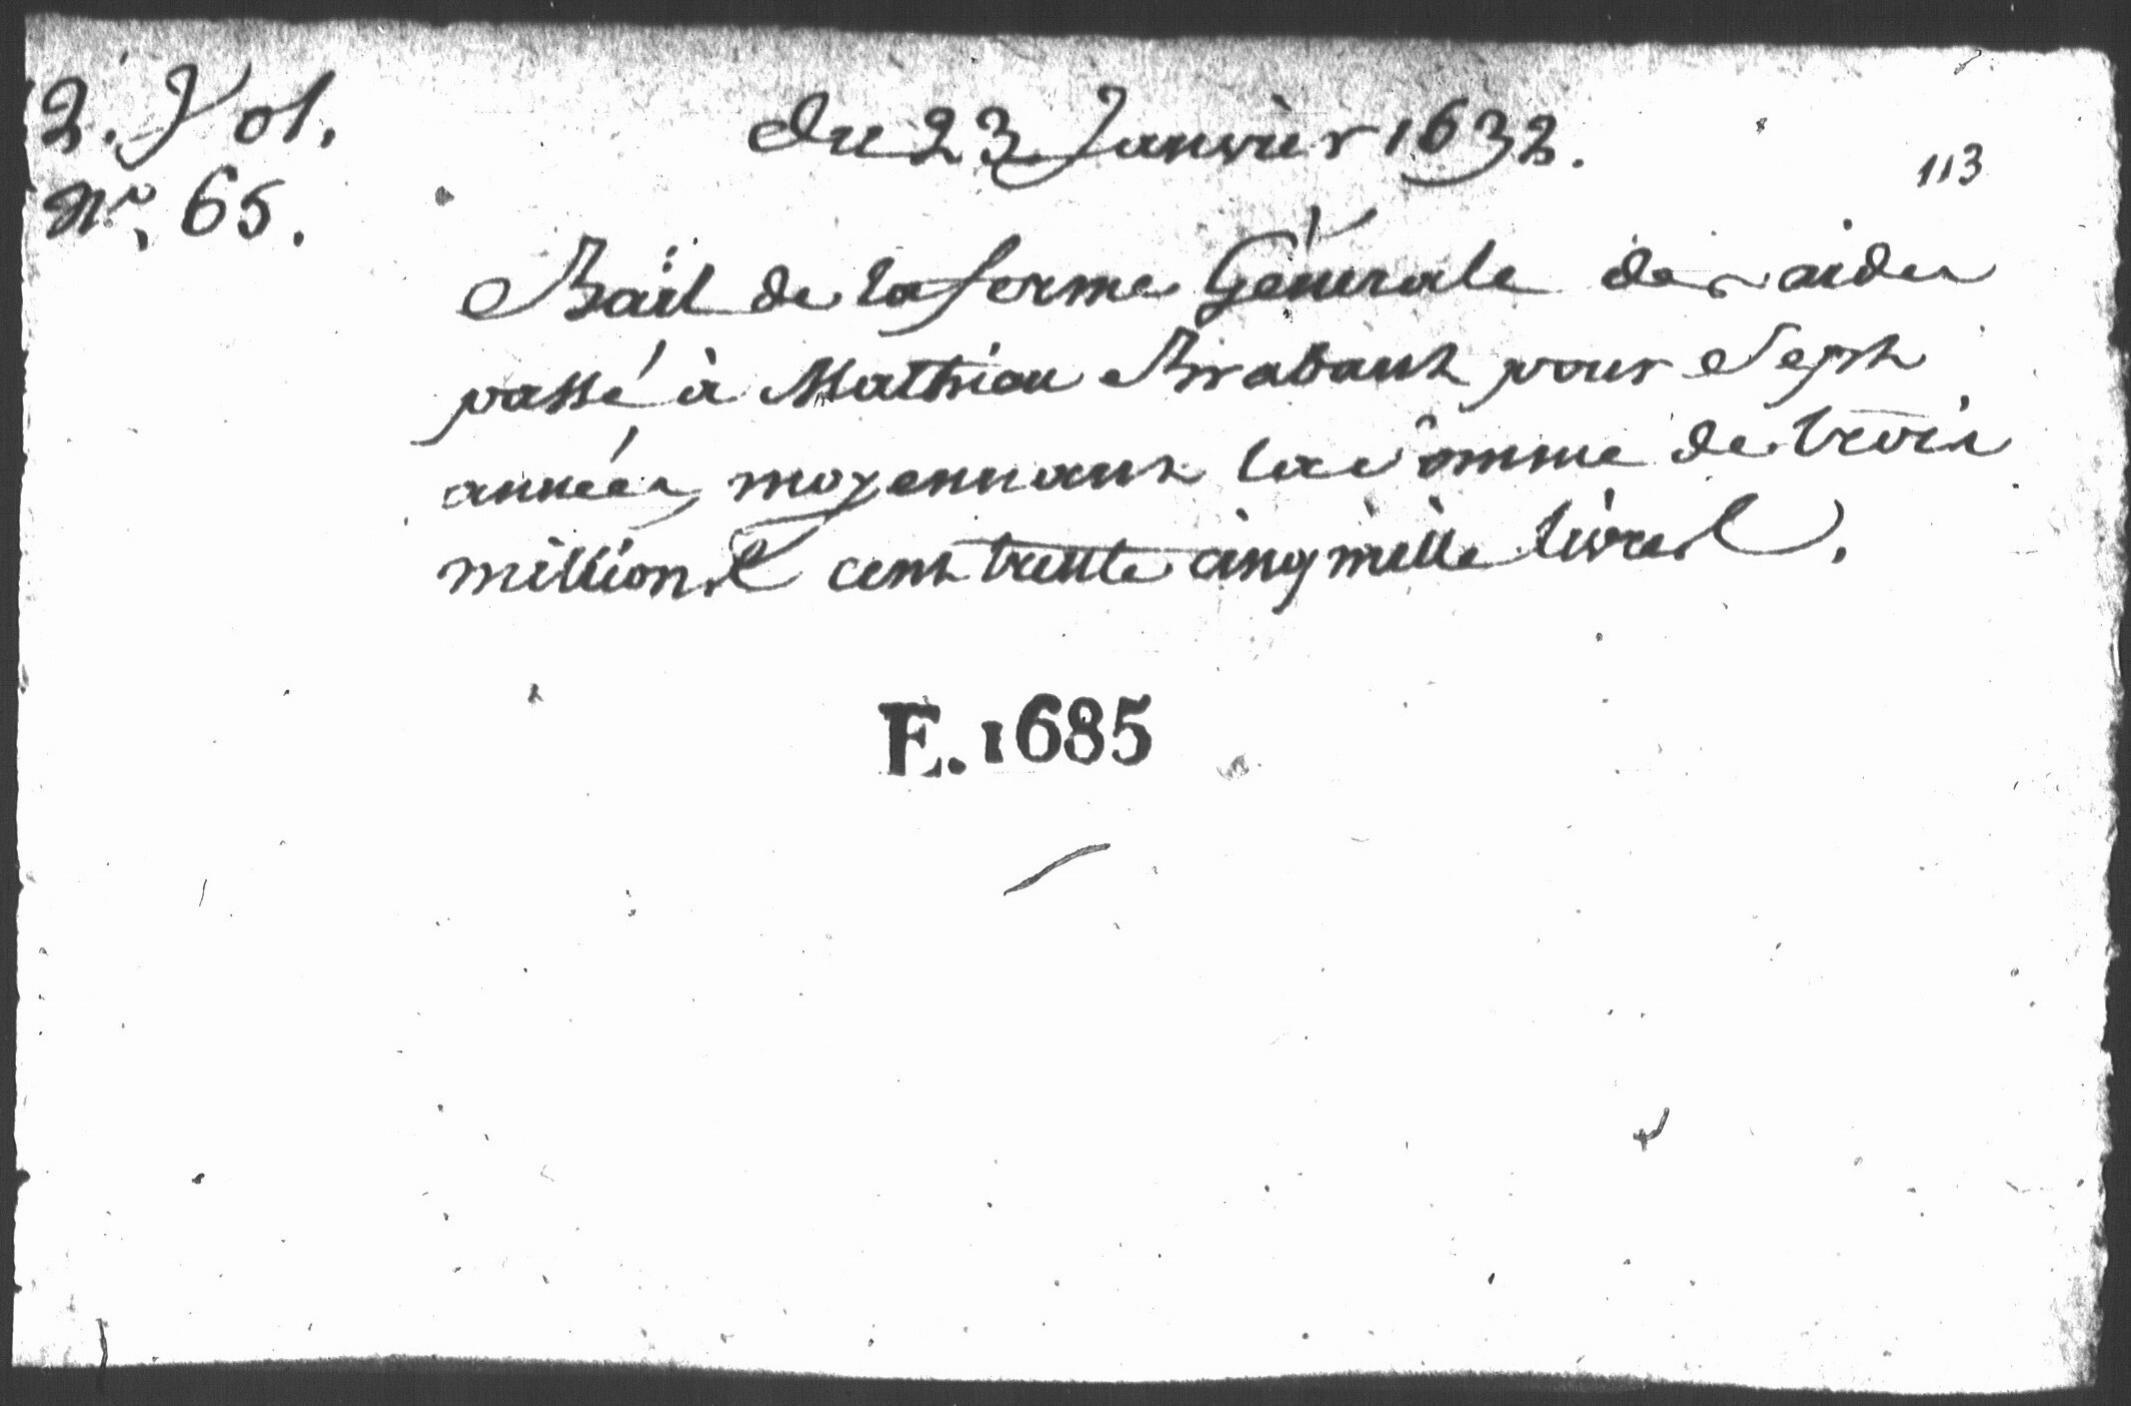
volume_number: n°65
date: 23 janvier 1632
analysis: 113
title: Bail de la ferme générale des aides passé à Mathieu Brabant pour sept années, moyennant la somme de trois millions cent trente cinq mille livres.
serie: E
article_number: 1685
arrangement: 2. vol.
